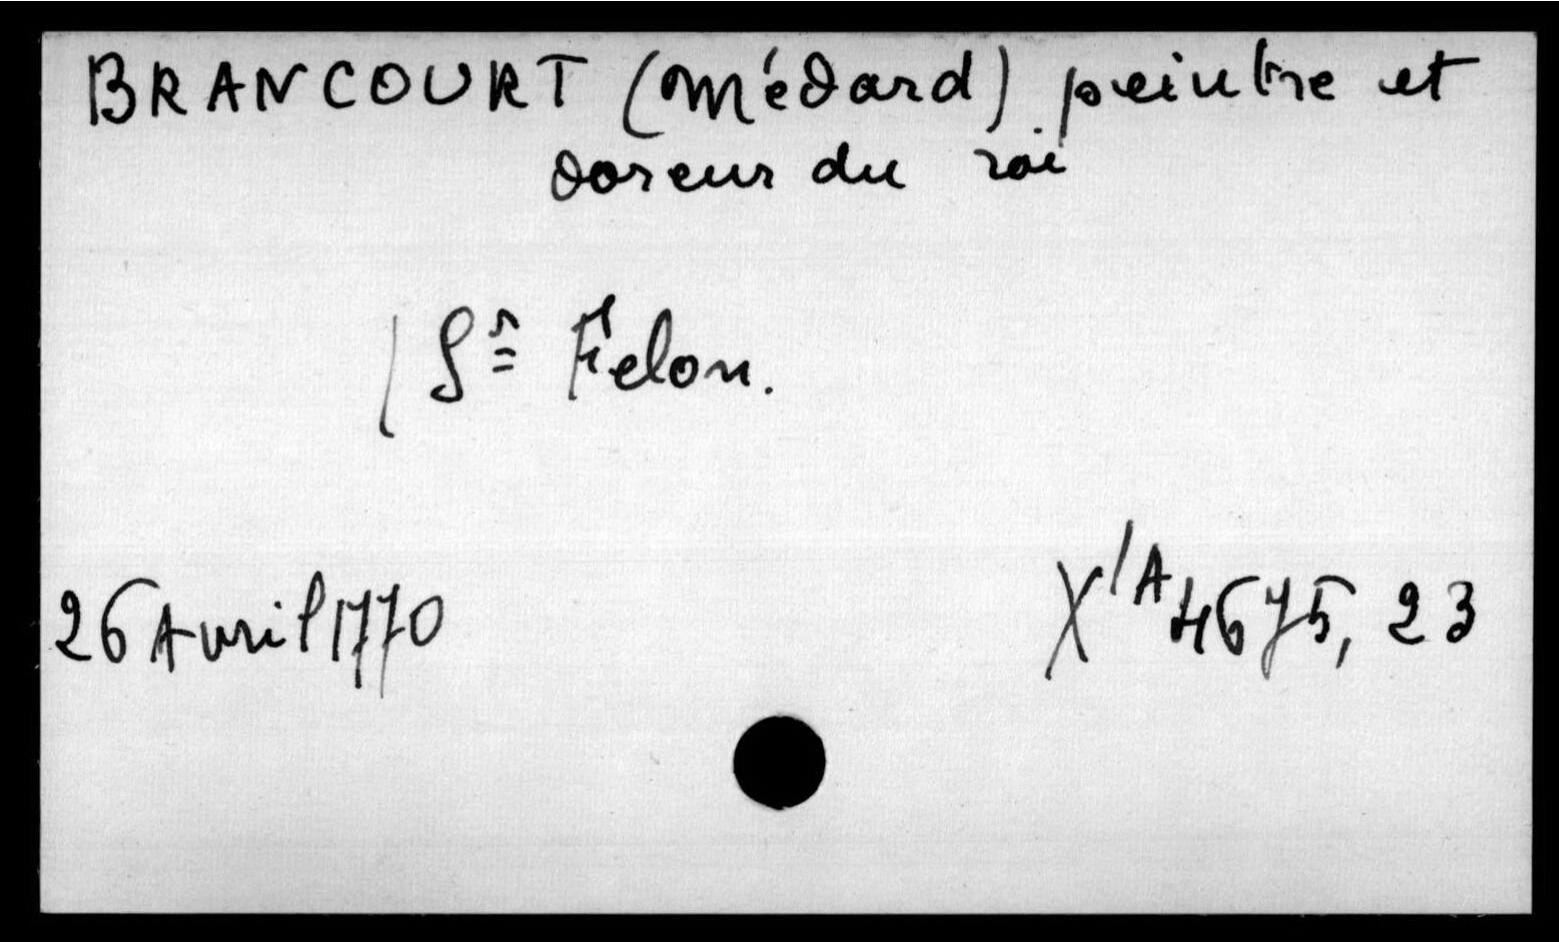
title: BRANCOURT (Médard) peintre et doreur du roi
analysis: Contre Sieur Felon
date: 26 avril 1770
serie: X1A
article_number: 4675
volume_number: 23
